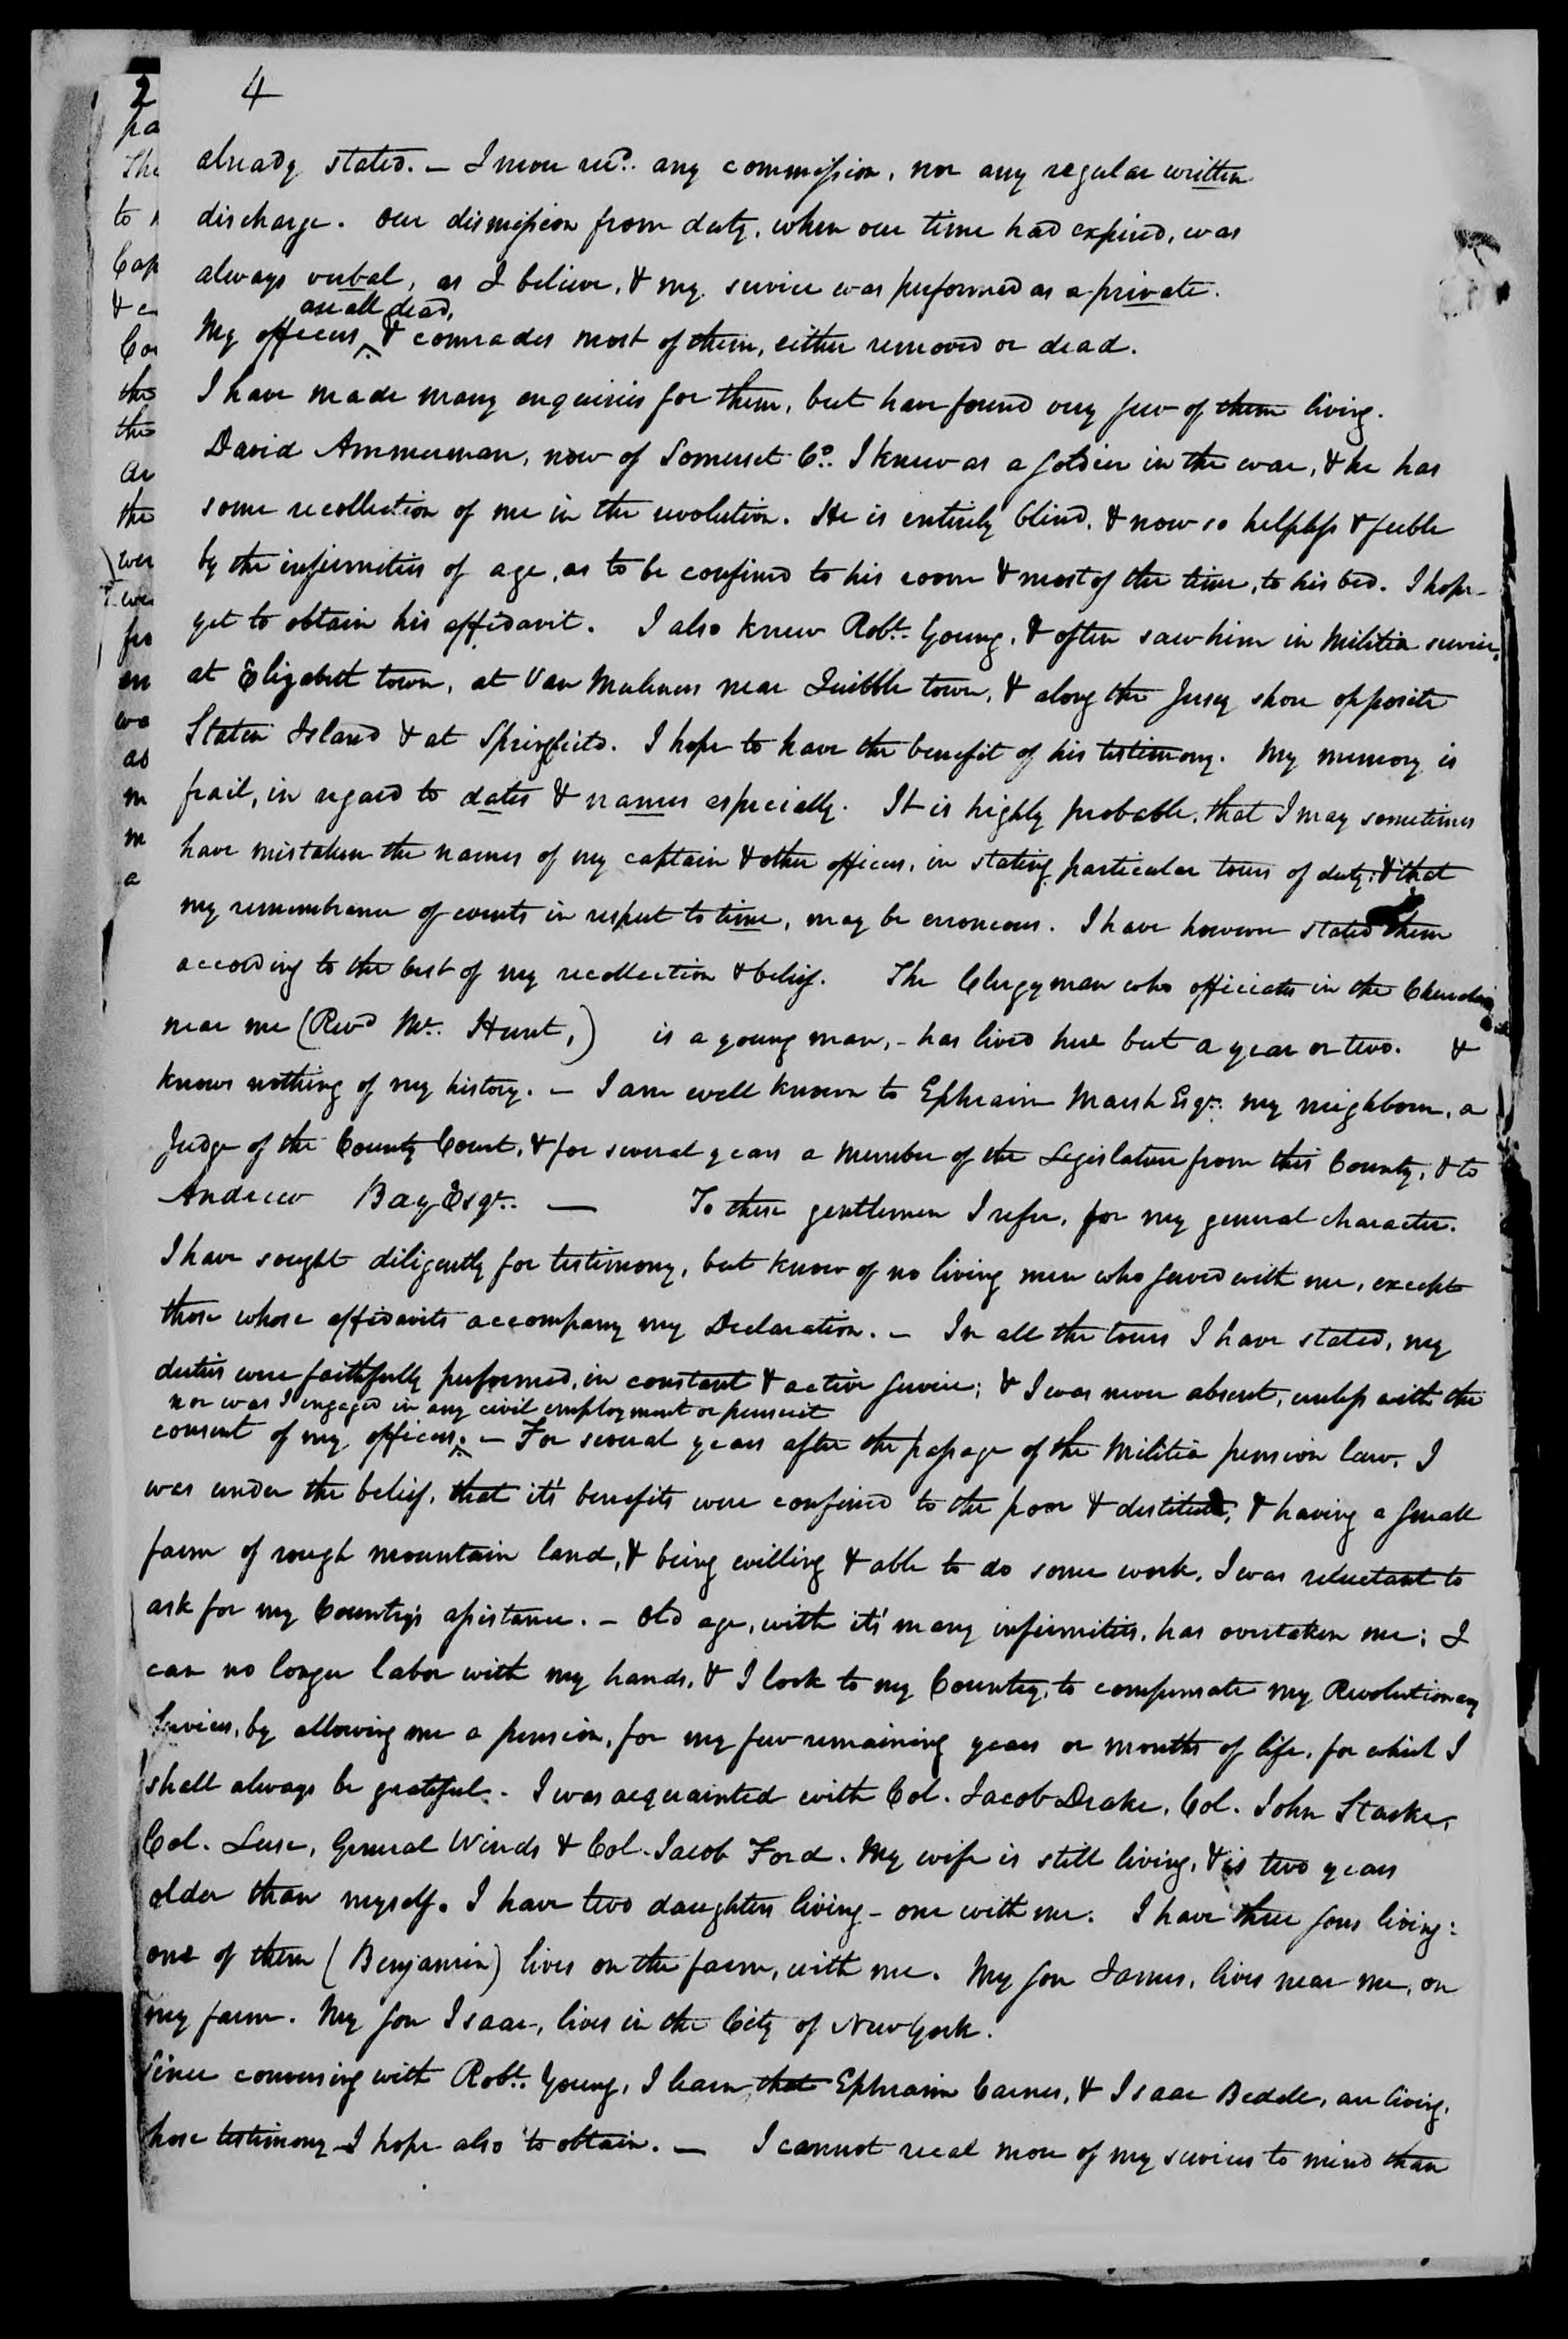4
already stated. - I more [illegible] any commission, nor any regular written discharge.  Our dismission from duty, when our time had expired, was always verbal, as I believe & my service was performed as a private.  
My officers are all dead & comrades most of them, either removed or dead.
I have made many inquiries for them, but have found only few - of them living.
David Ammermon, now of Somerset Co I knew as a soldier in the was, & he has some recollection of me in the revolution.  He is entirely blind, & now so helpless & feeble by the infirmities of age, as to be confined to his room & most of the time, to his bed.  I hope get to obtain his affidavit.  I also knew Robt. Young. & often saw him in militia service at Elizabethtown, at Van [illegible] near Quibbletown. & along the Jersey shore opposite Staten Island & at Springfield.  I hope to have the benefit of his testimony.  My memory is frail, in regard to dates & names especially.  it is highly probable that I may sometimes have mistaken the names of my Captain & other officers, in stating particular tours of duty & that my remembrance of events in respect to time, may be erroneous.  I have however stated them according to the best of my recollection & belief.  The Clergyman who officiates in the church near me (Rev Mr Hunt,) is a young man, - has lived here but a year or two.  & known nothing of my history.  - I am well known to Ephraim Marsh Esq my neighbor, a judge of the County Court, & for several years and a member of the Legislature from the County. & to Andrew Bay Qrgt.. - to these gentlemen I refer, for my general character.  I have sought diligently for testimony, bu tknow of no living men who served with me, except those where affidavits accompany my Declaration.  - In all the tours I have stated, my duties were faithfully performed, in constant & active service; & I was never absent, unless with the consent of my officers nor was I engaged in any civil employment or permit for several years after the passage of the militia pension law. I was under the belief that it's benefits were confined to the poor & destitute, & having a small farm of rough mountain land, & being willing & able to do some work. I was reluctant to ask for my Country's assistance. - Old age, with it's many infirmities, has overtaken me; I can no longer labor with my hands. - & I look to my couontry to compensate my Revolutionary Service, by allowing me a pension, for my few remaining years or months of life, for which I shall always be grateful.  I was acquainted with Col Jacob drake, Col. John Starke, Col Luke, General Winds, & Col. Jacob Ford. My wife is still living, & is two years older than myself.  I have two daughters living - one with me.  I have three sons living; one of them (Benjamin) lives on the farm, with me. My son James, lives near me, on my farm. My son Isaac, lives in the city of New York.
Since comming with Robt. Young, I have that Ephraim Barnes, & Isaac Bedde, an living have testimony I hope also to obtain. - I cannot read  more of my services to mind than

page: 7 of 20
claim: survivor's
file: S. 4911, for Daniel Swayze, New Jersey